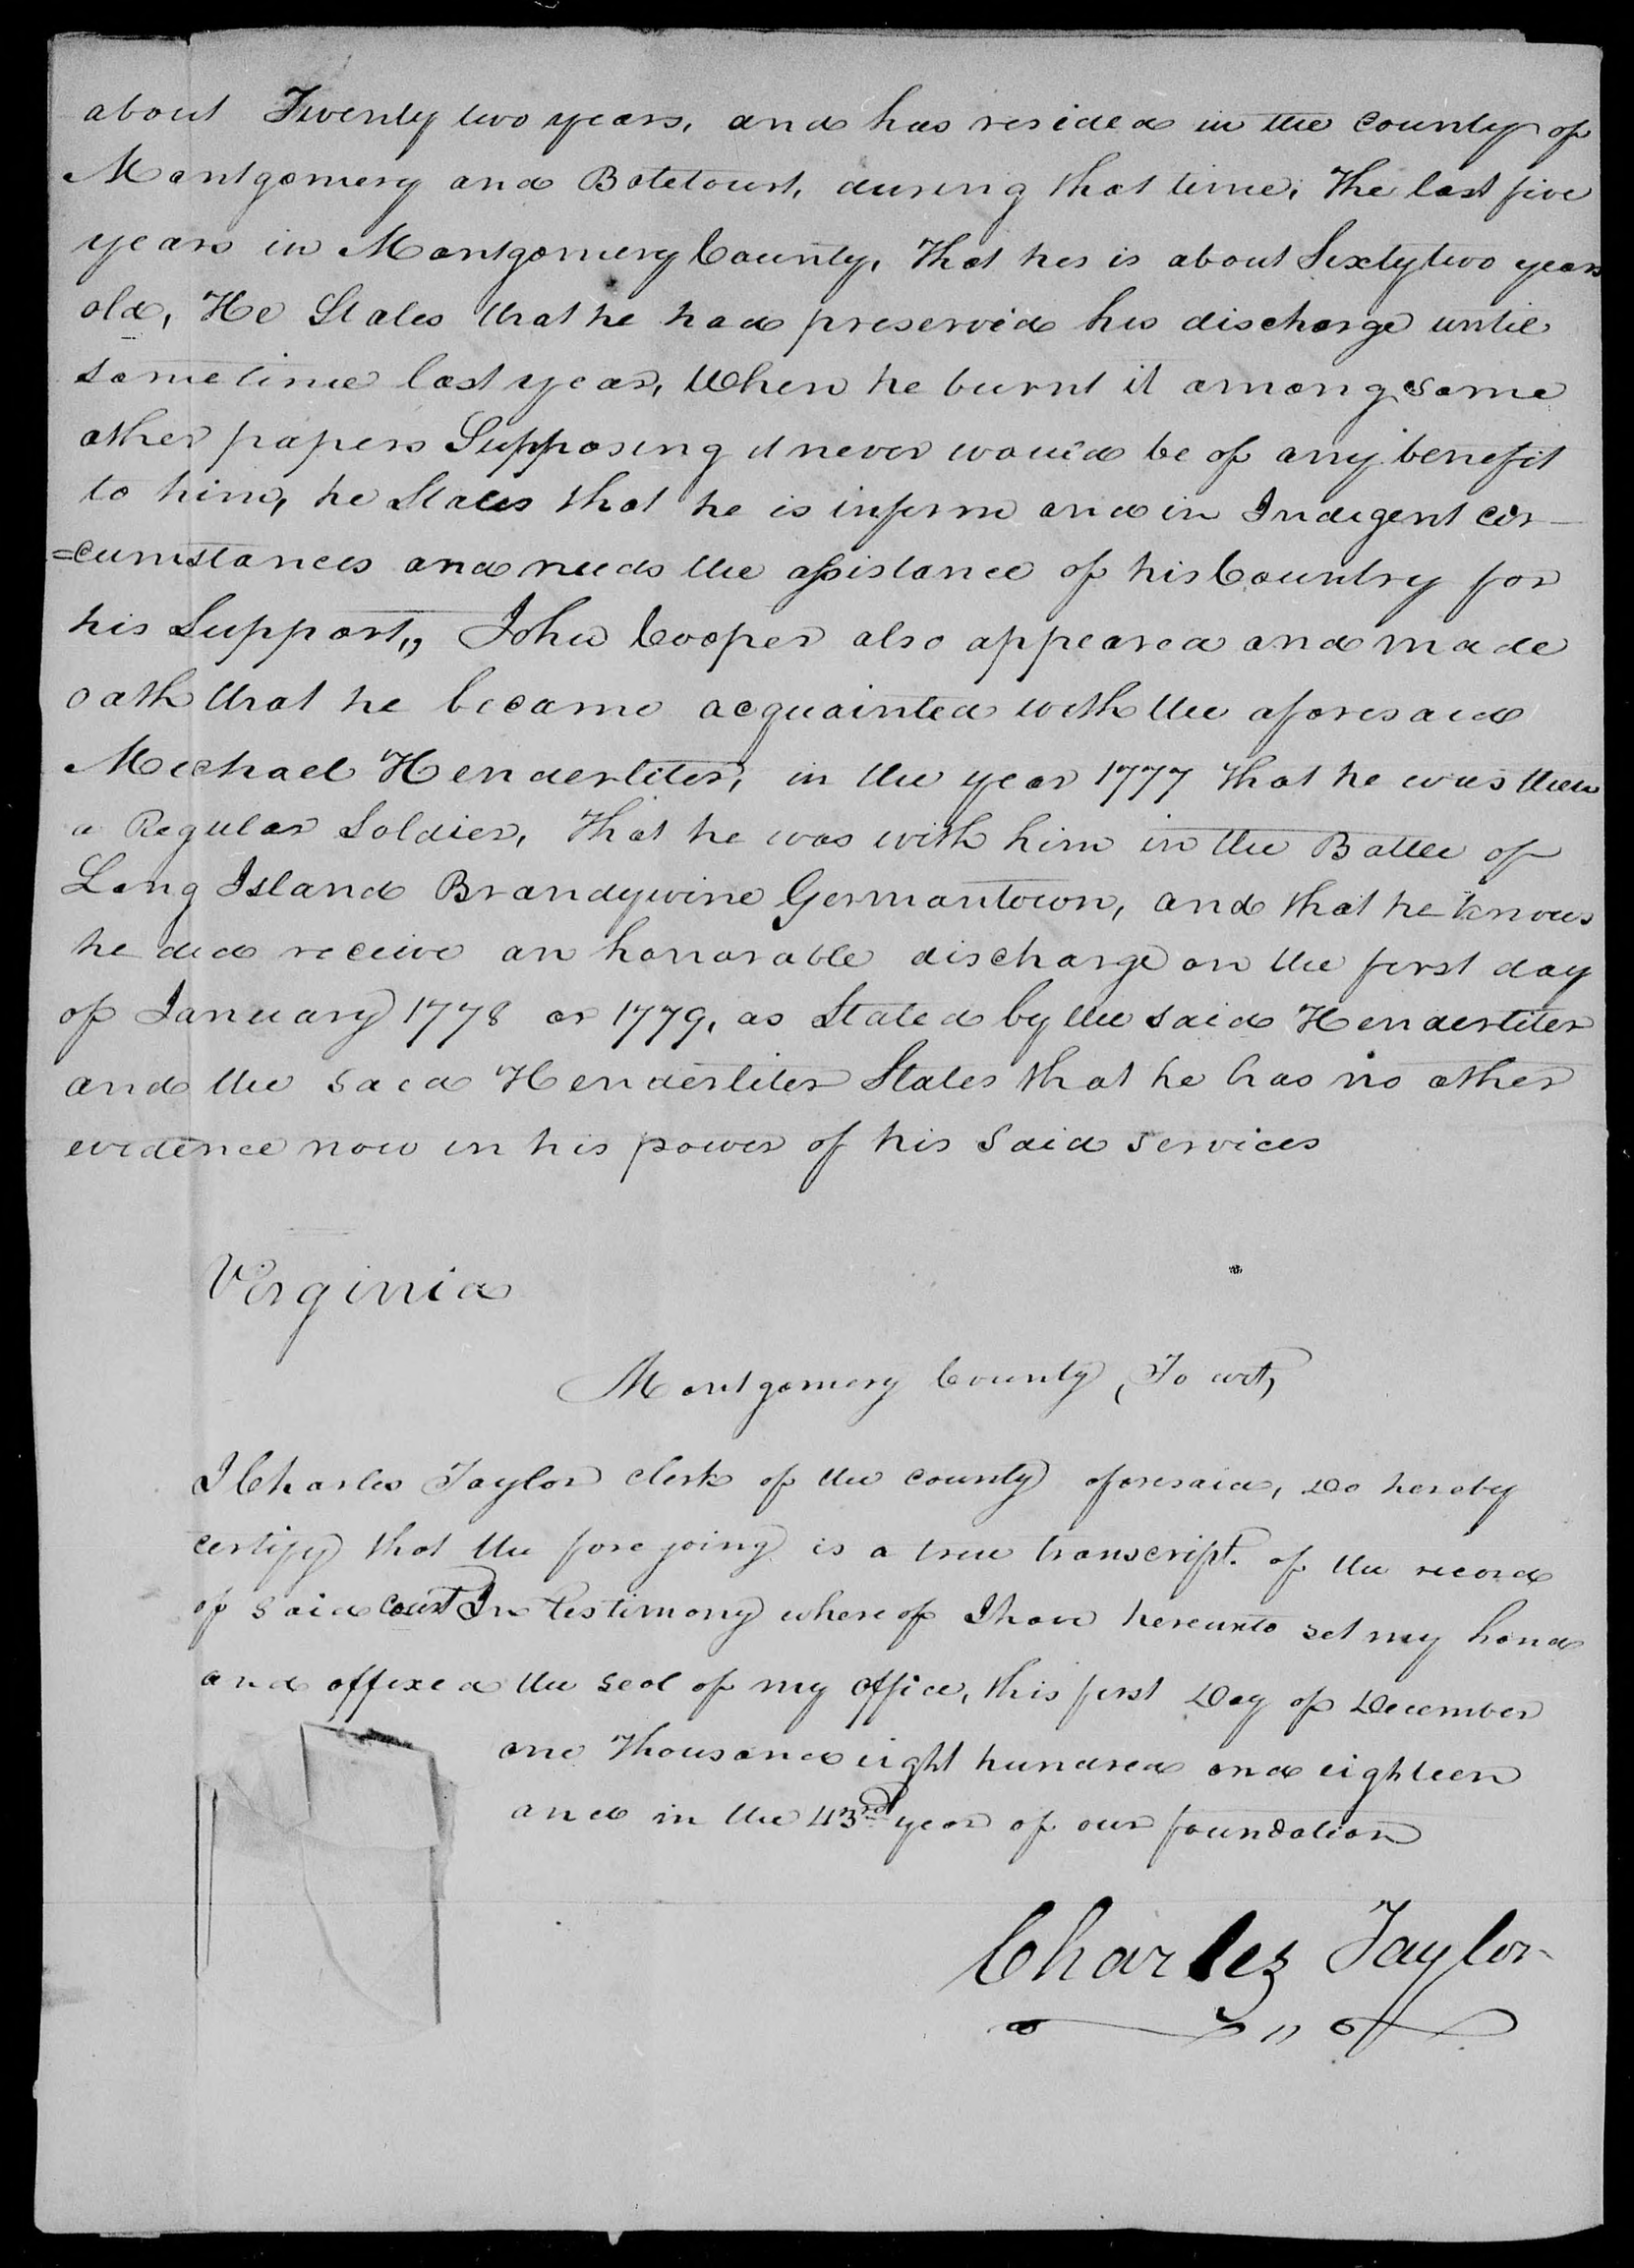about twenty two years, Ana has resided in the county of Montgomery and [illegible], during that time, the last five years in Montgomery. That his is about sixty-two years old. He states that he had preserved his discharge until sometime last year, when he burnt it among some other papers supposing it never would be of any benefit to him. He states that he is infirm and in indigent circumstances and needs the assistance of his country for his support. John Cooper also appeared and made path that he became acquainted with the aforesaid in Regular Soldier, that he was with him in the Battle of Long Island Brandywine Germantown, and that he knows he did receive an honorable discharge in the first day January 1778 or 1779 as stated by the said Henderliter and the said Henderliter states that he has no other evidence now in his power of his said services.
Virginia
Montgomery County, to wit,
I, Charles Taylor, clerk of the county aforesaid, do hereby certify that the forejoining is a true transcript of the record of said account. The testimony whereof I have hereunto set my honor, and affixed the seal of my office, this first day of December one thousand eight hundred and eighteen and in the 43rd year of our foundation.
Charles Taylor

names: Henderliter, Henderliter, Charles Taylor, Charles Taylor, Michael Henderliter, John Cooper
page: 5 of 15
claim: survivor's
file: S. 38016, Michael Henderliter, Penn.